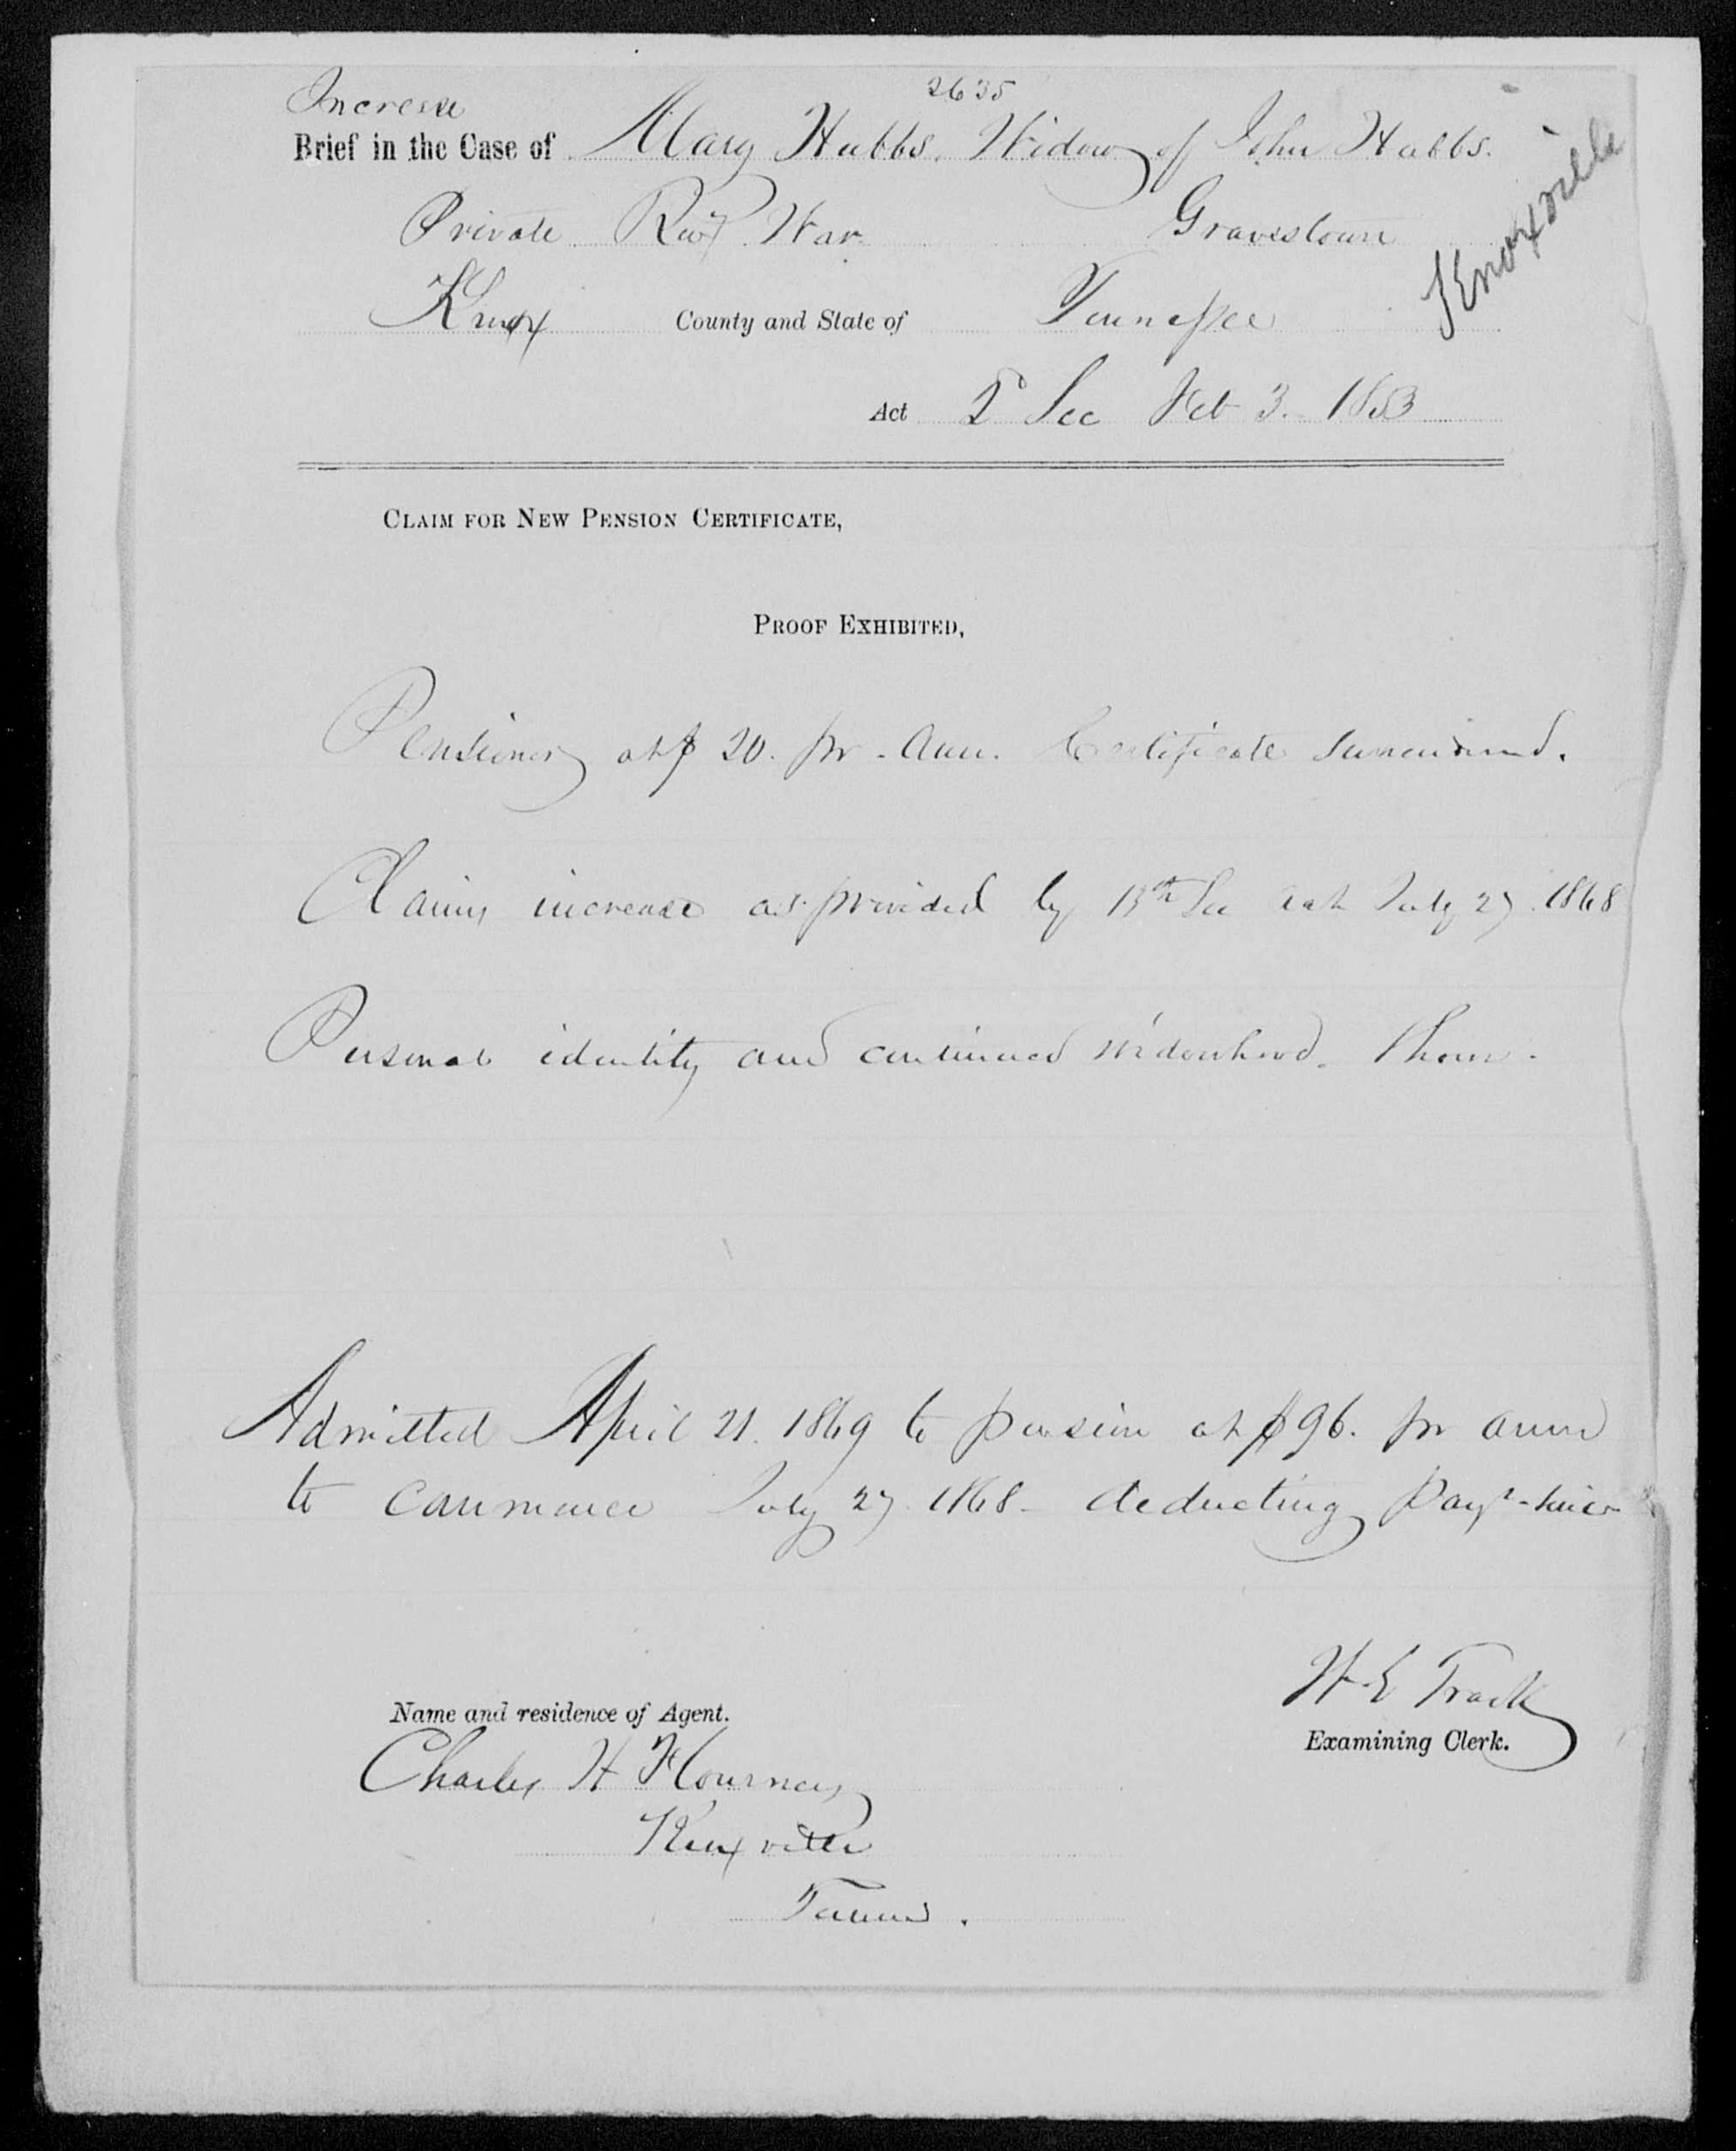2635
Increase Brief in the Case of Mary Hubbs Widow of John Hubbs
Private Revy. War Gravestown Knoxville
Knox County and State of Tennessee
Act 2 See Feb 3. 1853
---------------------------------
CLAIM FOR NEW PENSION CERTIFICATE,
PROOF EXHIBITED.

Pensioner at $20. per ann. Certificate Surrendered.
Claim increase as provided by 13th See Act July 25. 1868
Personal identity and continued widowhood Shown.
--------------------------
Admitted April 21. 1869 to Pension at $96. per ann. to commence July 27. 1868. deducting pay earlier.
Name and residence of Agent,
Charles H Flourney
Knoxville, Tenn.

W.E. Trask
Examining Clerk.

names: Charles H Flournoy, Mary Hubbs, John Hubbs, W E Frask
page: 49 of 86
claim: widow's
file: W. 1035, John Hubbs, S.C.